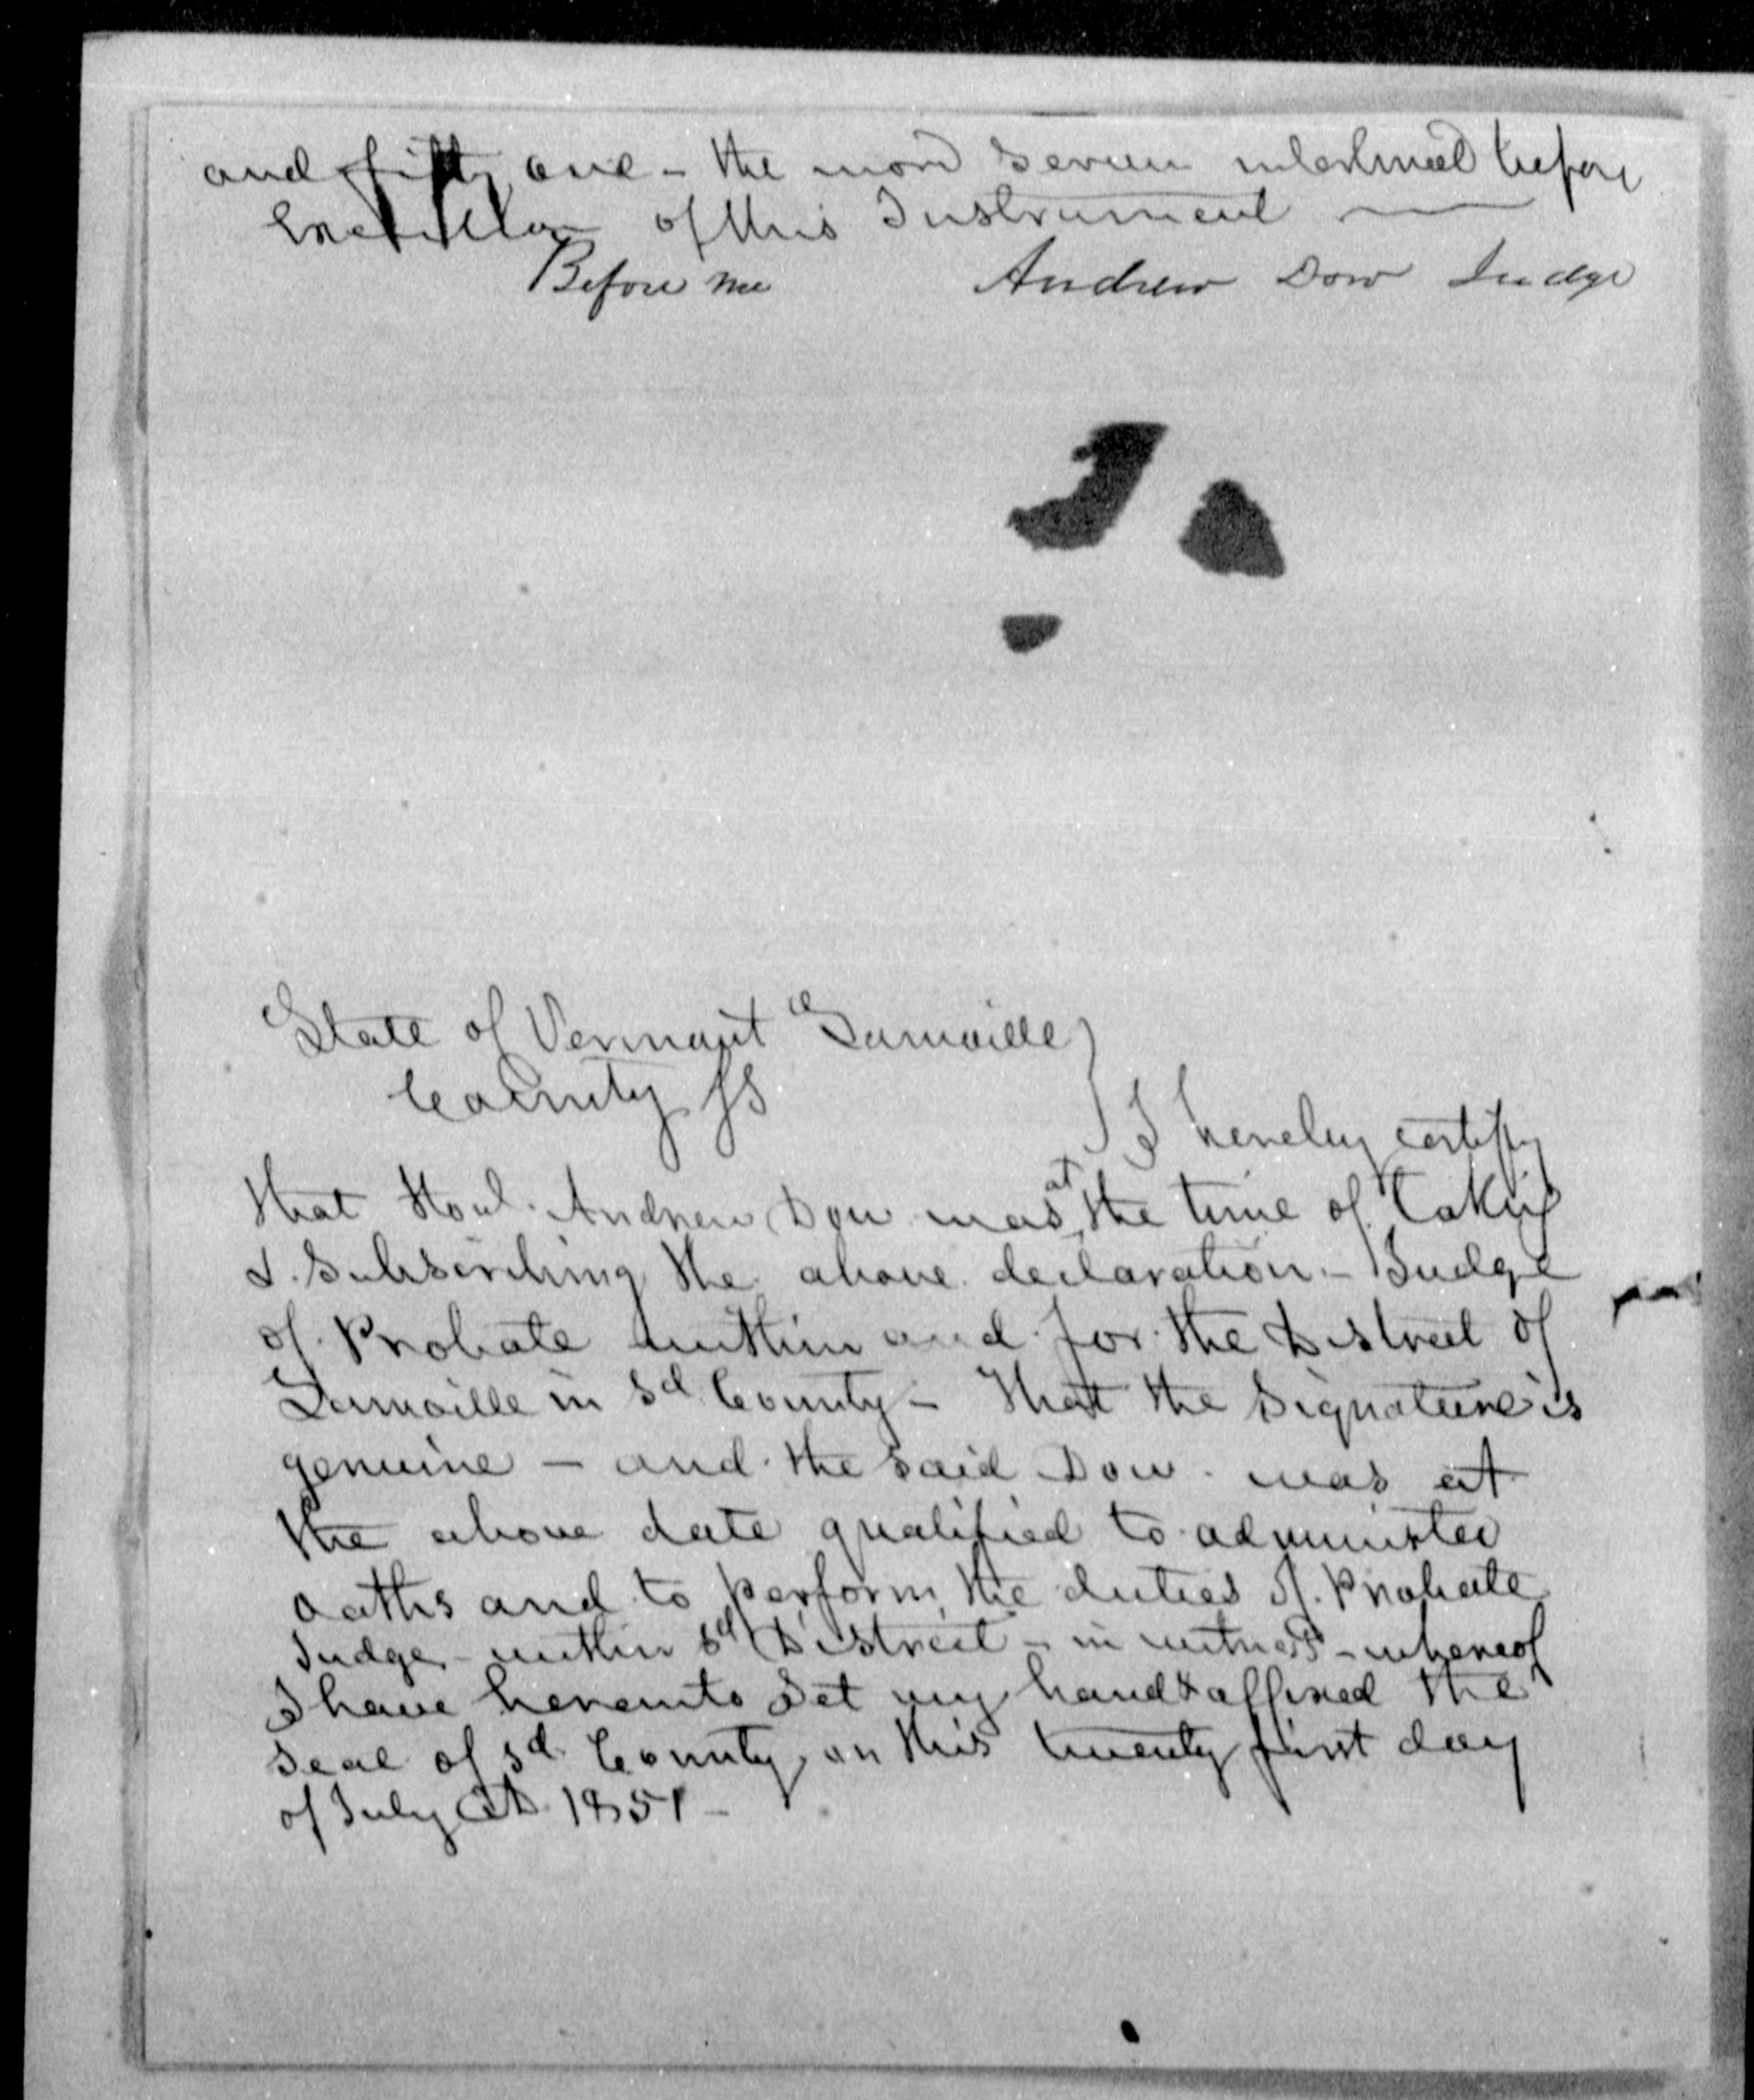and fifty one - the word seven interlined before execution of this instrument.
Before me Adnrew Dow Judge

State of Vermont Lamoille County Ss}
I hereby certify that Hon. Andrew Dow was at the time of taking & subscribing the above declaration - Judge of Probate within and for the District of Lamoille in said County - That the signature is genuine - and the said Dow was at the above date qualified to administer oaths and to perform the duties of Probate Judge - within said District - in witness whereof I have hereunto set my hand & affixed the seal of said county on this twenty first day of July AD 1851.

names: Andrew Dow; [BLANK] Dow; Andrew Dow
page: 8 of 30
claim: rejected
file: R. 8625, for Elisha Razar, Connecticut